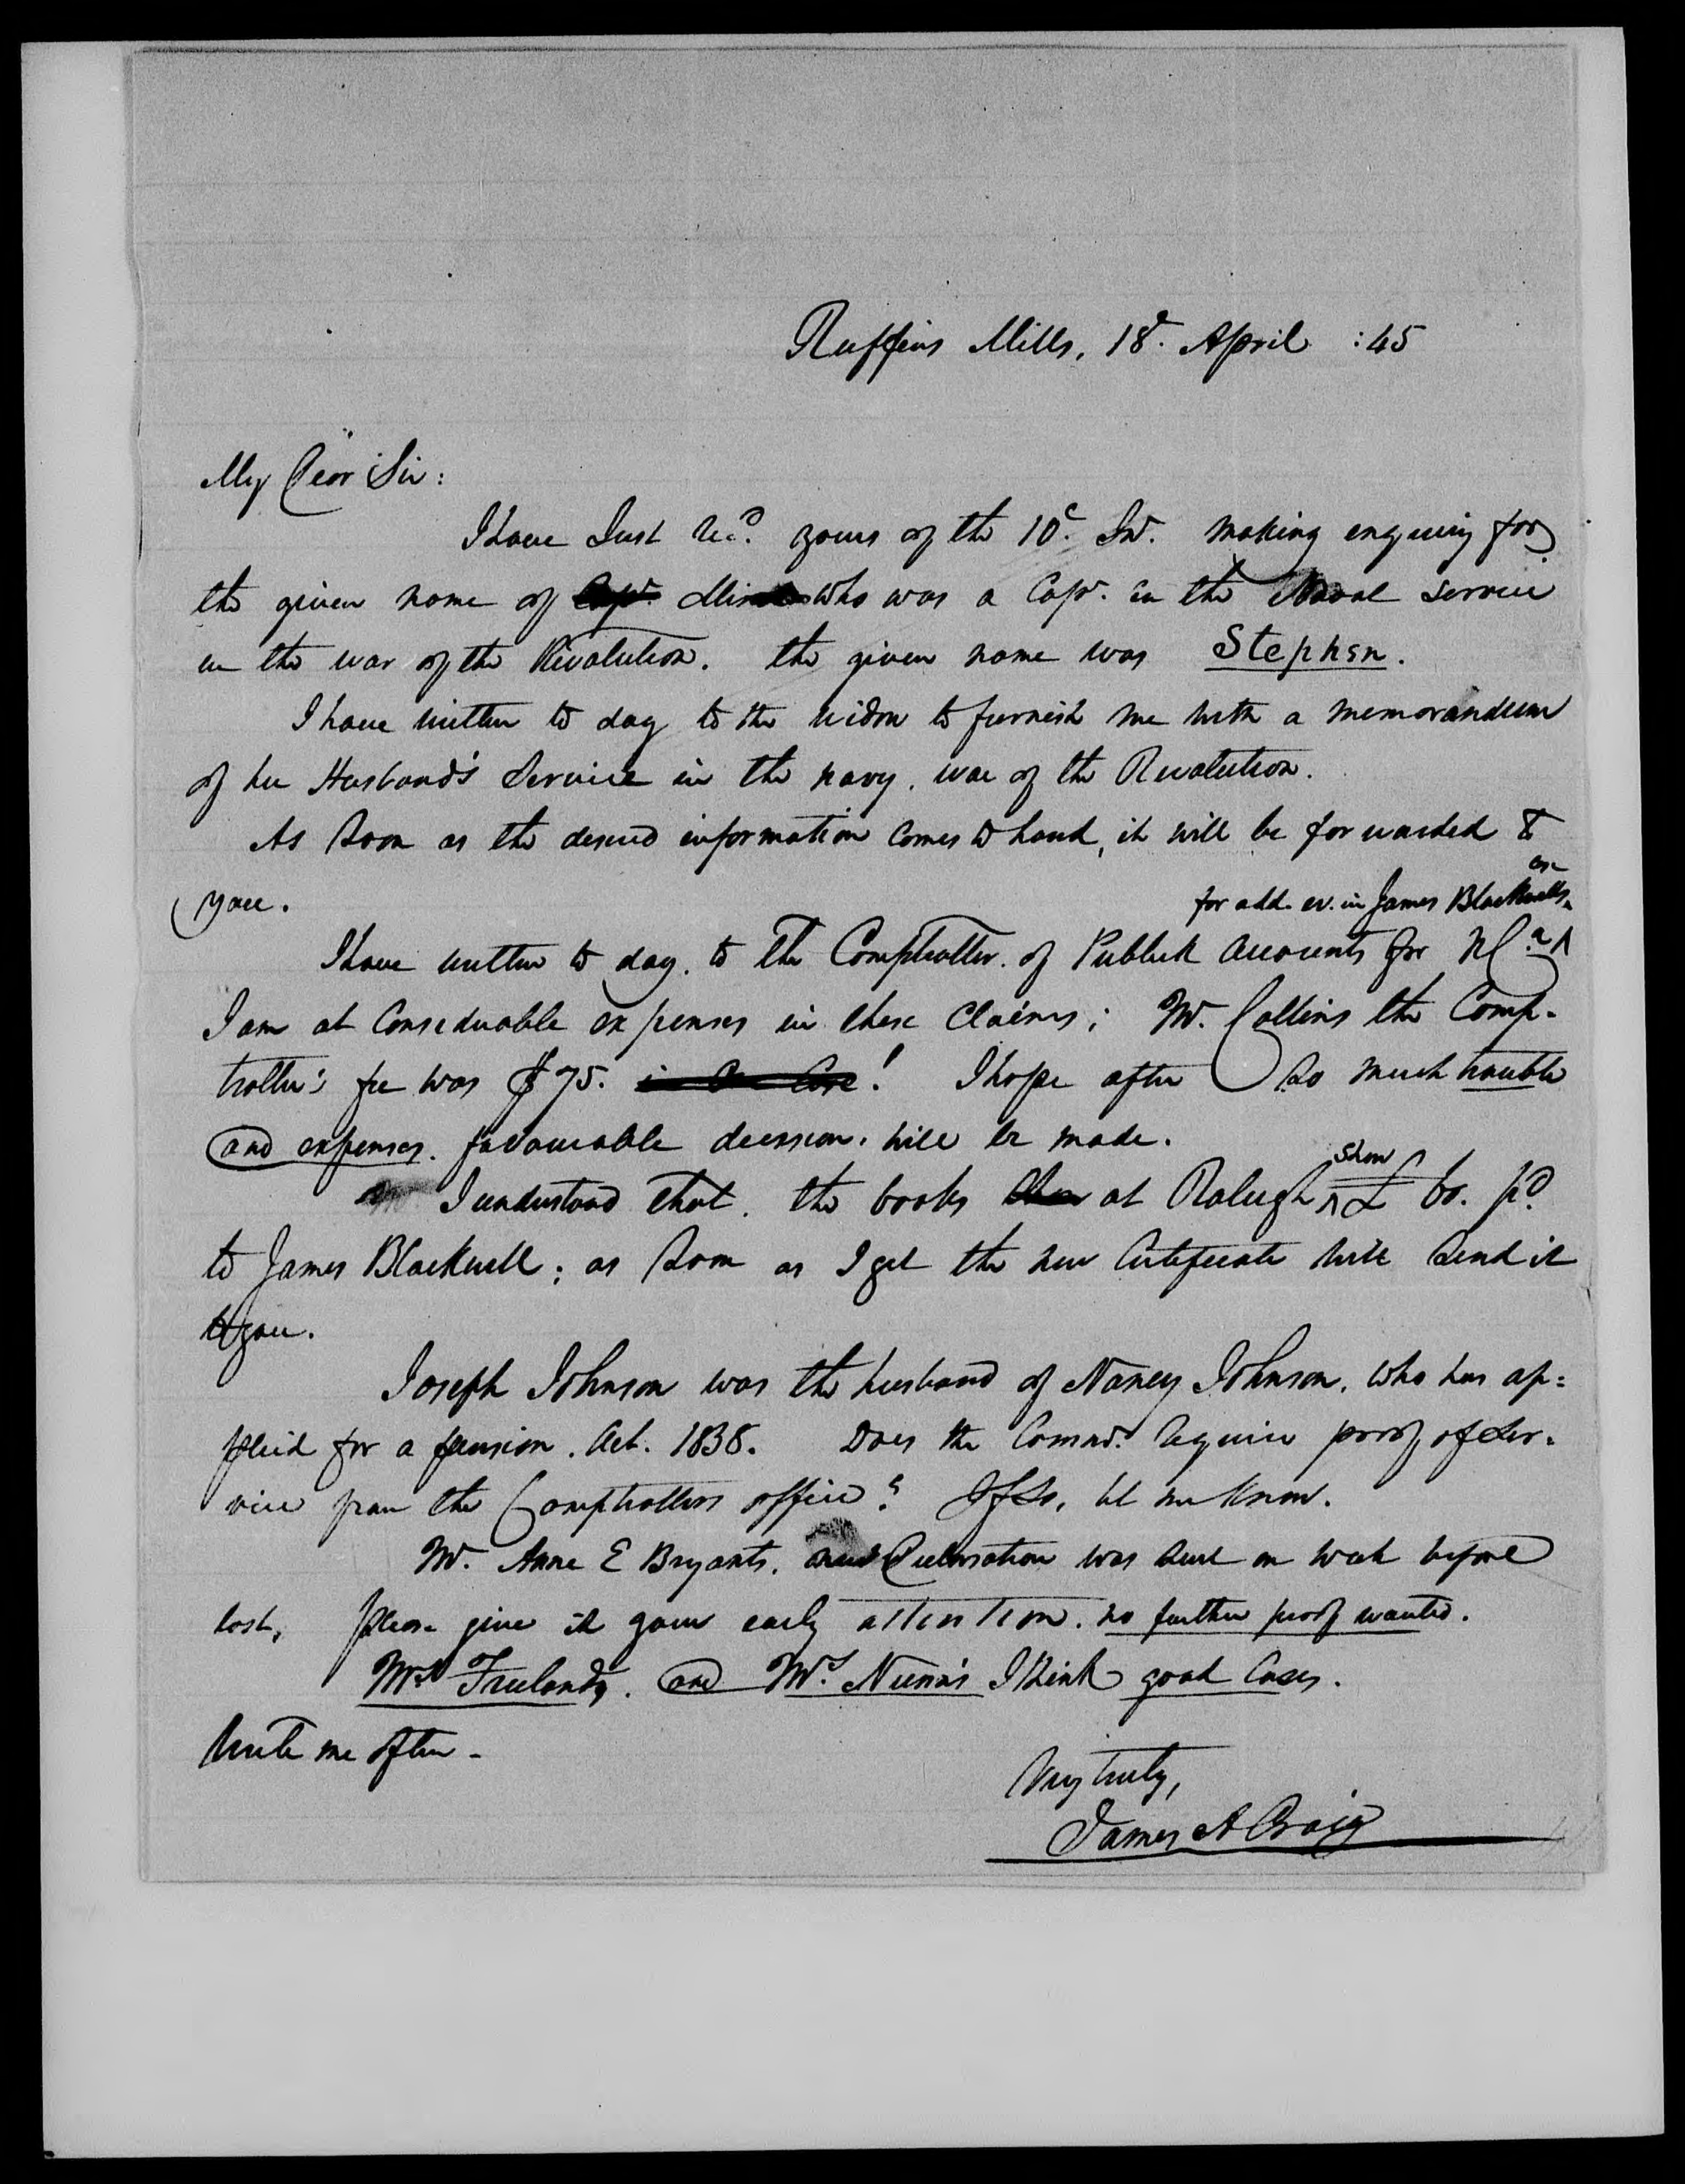Ruffins Mills, 18 April 45

My Dear Sir: 
I have Just rec’d [received] yours of the 10th Int. making enquiry for the given name of [Illegible] who was a Capt. in the naval service in the war of the Revolution the given name was [Stephen?] 
I have written to day [today] to the widow to furnish me with a memorandum of her Husband's service in the navy war of the Revolution. 
As soon as the desired information comes to hand, it will be forwarded to you.
I have written to day [today] to the Comptroller of Publick [public] account for NC for add. ev. [additional evidence] in James Blackwells. I am at considerable expenses in these claims. Mr. Collins the Comptrollers fee was $75! I hope after so much trouble and expenses favourable [favorable] decision will be made 
I understood that the books that Raliegh show £ br. pd [paid] to James Blackwell; as soon as I get the new certificate will send it to you.
Joseph Johnson was the husband of Nancy Johnson, who has applied for a pension Act 1838. Does the Commr [Commissioner] require proof of service from the Comptrollers Office? If so let me know.
Mrs. Anne E Bryant and Declaration was sent on as before last. Please give it your early attention, no further proof wanted. 
Mrs. Freland and Mrs. Nunas I Think good cases. [Illegible] me after.
Very truly, 
James A Craig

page: 32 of 41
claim: widow's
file: W. 5033, for Joseph Johnston, North Carolina